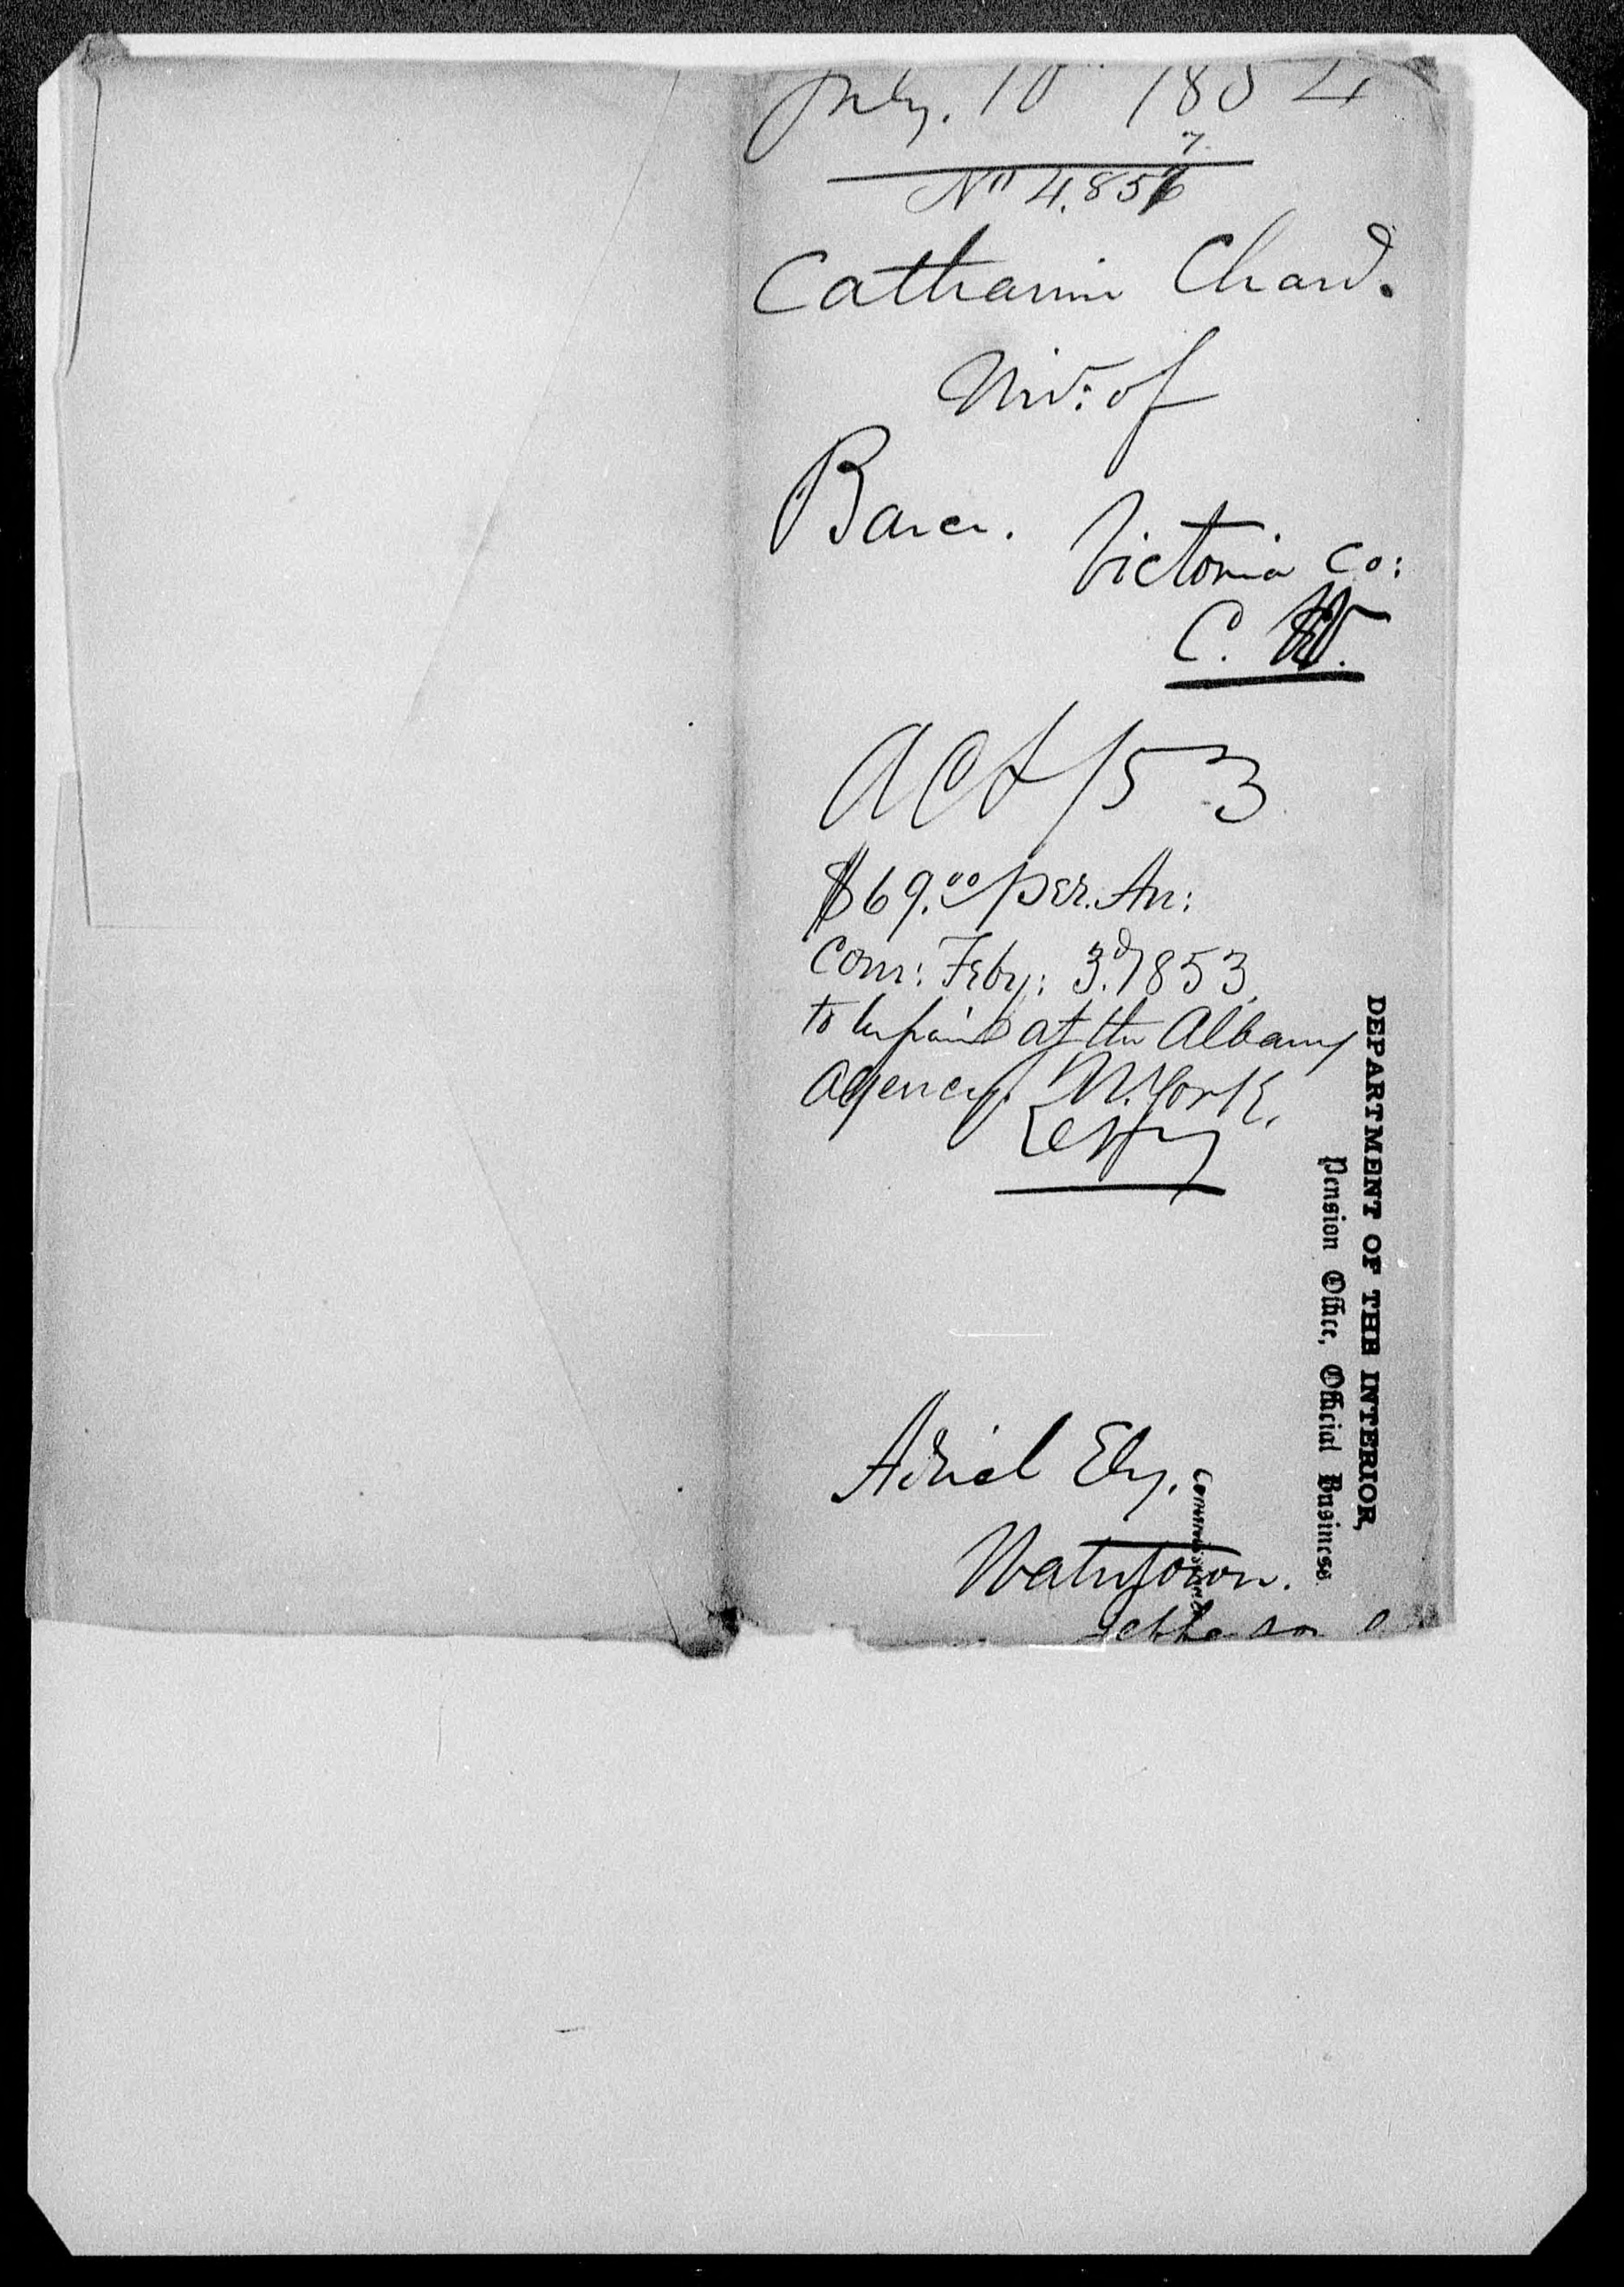July, 10 1854 
No 4,857 

Catharine Chard 
Wid: of 
Barce 
Victoria Co: C.N.

act /53
$69.00 per. An.
Com : Feby 3 1853 
to be paid at the Albany 
Agency N. York 
Resly [Respectfully?]

Adriel Ely, Watertown,
Jefferson Co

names: Barce Chard, Catharine Chard, Adriel Ely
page: 37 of 47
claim: widow's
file: W. 10,602, Barce Chard, New York.